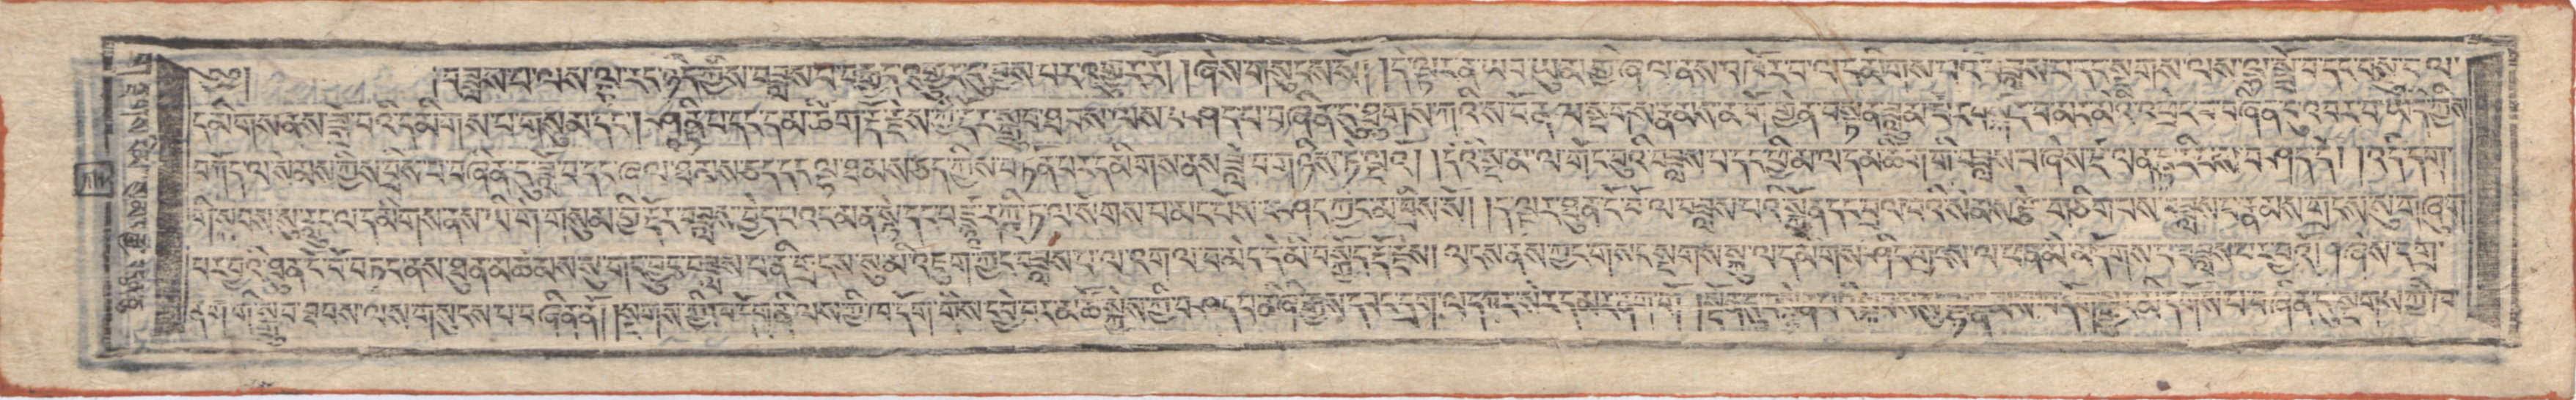༄༅། །བཟླས་པ་ལས་ལྷ་རང་ཉིད་ཀྱིས་བཟླས་པ་བརྒྱད་འགྱུར་དུ་བྱས་པར་འགྱུར་རོ། །ཞེས་གསུངས་སོ། །དེ་ལྟར་ན་ཡབ་ཡུམ་གྱི་ཞལ་ནས་འཁོར་བ་ལ་དམིགས་པའི་བཟླས་པ་དང་སྔགས་ལས་ལྷ་སྤྲོ་བ་དང་བསྡུ་བ་ལ་
དམིགས་ནས་ཟློ་བའི་དམིགས་པ་གསུམ་དང་། ཤཱནྟི་པ་དང་དམ་ཚིག་རྡོ་རྗེས་ཀྱཻ་རྡོར་སྒྲུབ་ཐབས་ལས་བཤད་པ་བཞིན་དུ་ཐུགས་ཀའི་ས་བོན་ལ་སྔགས་རྣམས་མགོ་གྱེན་བསྟན་ཟླུམ་པོར་བསྐོར་བ་མར་མེའི་འཕྲེང་བ་བཞིན་དུ་འབར་བ་ཡིད་ཀྱིས་
བཀོད་ལ་སེམས་ཀྱིས་བྲིས་པ་བཞིན་དུ་ཟློ་བ་དང་ཞལ་ཐམས་ཅད་དང་ལྷ་ཐམས་ཅད་ཀྱིས་བཏོན་པར་དམིགས་ནས་ཟློ་བ་གཉིས་ཏེ་ལྔའོ། །དེའི་སྔ་མ་ལ་གོང་བུའི་བཟླས་པ་དང་ཕྱི་མ་ལ་དམ་ཚིག་གི་བཟླས་པ་ཞེས་ཛ་ལན་དྷ་རི་པས་བཤད་དོ། །འདི་དག་
གི་སྐབས་སུ་རླུང་ལ་དམིགས་ནས་ཡི་གེ་གསུམ་གྱི་རྡོར་བཟླས་བྱེད་པའང་མན་སྙེ་དང་པཛྙཱ་རཀྵི་ཏ་ལ་སོགས་པ་མང་པོས་བཤད་ཀྱང་མ་བྲིས་སོ། །ད་ལྟར་ཐུན་ངོ་བོ་ལ་བཟླས་པའི་སྐྱོན་དང་བྲལ་བའི་སེམས་རྩེ་གཅིག་པས་བཟླས་པ་རྣམས་གྲངས་སུ་གཞུག་
པར་བྱའི་ཐུན་ངོ་བོ་བཏང་ནས་ཐུན་མཚམས་སུ་གང་བྱུང་བཟླས་པ་ནི་གྲངས་སུ་མི་འཇུག་ཀྱང་བཟླས་པ་ལ་འགལ་བ་མེད་དེ་མི་བསྐྱོད་རྡོ་རྗེས། ལངས་ནས་ཀྱང་གསང་སྔགས་སྐུ་ལ་དམིགས་ཤིང་གྲངས་ལ་ཕན་མི་མདོགས་པ་བཟླས་པར་བྱའོ། །ཞེས་དགྲ་
ནག་གི་སྒྲུབ་ཐབས་ལས་གསུངས་པ་བཞིན་ནོ། །སྔགས་ཀྱི་ཁ་དོག་ནི་ལས་ཀྱི་ཁ་དོག་གིས་དབྱེ་བར་མཚོ་སྐྱེས་ཀྱི་བཤད་པ་ནི་ཞི་རྒྱས་དབང་དྲག་ལ་དཀར་སེར་དམར་ནག་གོ །སྔོན་དུ་བསྙེན་པའི་སྐབས་སུ་ལྷ་རྣམས་ཁ་དོག་སྒྱུར་མི་དགོས་པ་བཞིན་དུ་སྔགས་ཀྱི་ཁ་